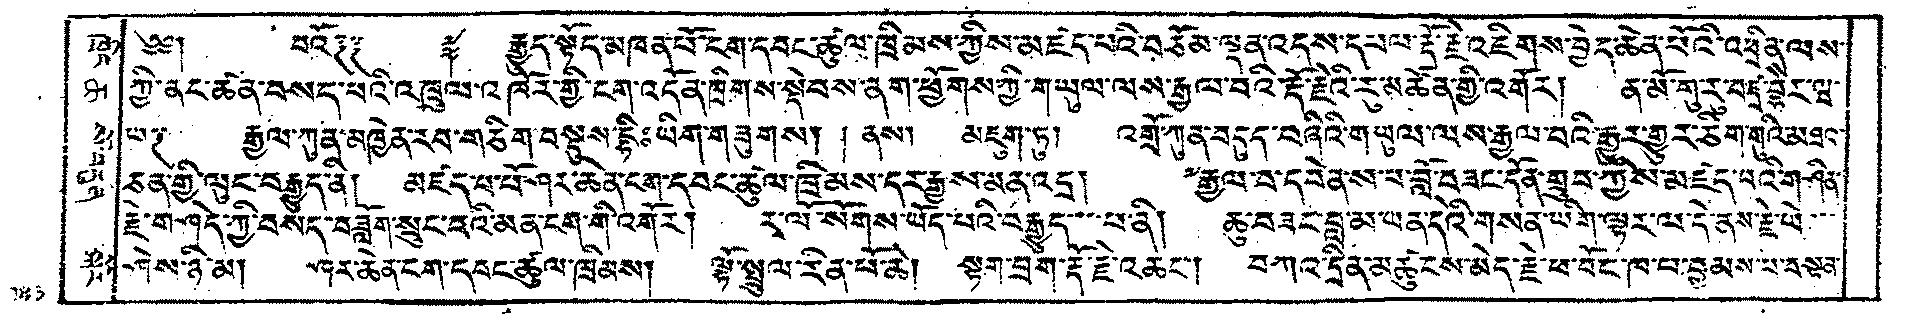༄༅། །བའོ༑༑ ༈ རྒྱུད་སྟོད་མཁན་པོ་ངག་དབང་ཚུལ་ཁྲིམས་ཀྱིས་མཛད་པའི་བཅོམ་ལྡན་འདས་དཔལ་རྡོ་རྗེ་འཇིགས་བྱེད་ཆེན་པོའི་འཕྲིན་ལས་
ཀྱི་ནང་ཚན་བསད་པའི་འཁྲུལ་འཁོར་གྱི་ངག་འདོན་ཁྲིགས་སྡེབས་ནག་ཕྱོགས་ཀྱི་གཡུལ་ལས་རྒྱལ་བའི་རྡོ་རྗེའི་རུ་མཚོན་གྱི་འགོར། ན་མོ་གུ་རུ་བཛྲ་བྷཻར་ཝ་
ཡ༑ རྒྱལ་ཀུན་མཁྱེན་རབ་གཅིག་བསྡུས་དྷིཿ ཡིག་གཟུགས། །ནས། མཇུག་ཏུ། འགྲོ་ཀུན་བདུད་བཞིའི་གཡུལ་ལས་རྒྱལ་བའི་རྒྱུར་གྱུར་ཅིག་གུའི་མཐའ་
ཅན་གྱི་ལུང་བརྒྱུད་ནི། མཛད་པ་པོ་ཤར་ཆེན་ངག་དབང་ཚུལ་ཁྲིམས་དར་རྒྱས་མན་འདྲ། ༧རྒྱལ་བ་དབེན་ས་པ་བློ་བཟང་དོན་གྲུབ་ཀྱིས་མཛད་པའི་གཤིན་
རྗེ་གཤེད་ཀྱི་བསད་བཟློག་སྲུང་བའི་མན་ངག་གི་འགོར། རྭ་ལོ་སོགས་ཡོད་པའི་བརྒྱུད་པ་ནི། ཆུ་བཟང་བླ་མ་ཡན་དེའི་གསན་ཡིག་ལྟར་ལ་དེ་ནས་རྗེ་ཡེ་
ཤེས་ཉི་མ། །ཤར་ཆེན་ངག་དབང་ཚུལ་ཁྲིམས། ལྷོ་སྤྲུལ་རིན་པོ་ཆེ། སྟག་བྲག་རྡོ་རྗེ་འཆང་། བཀའ་དྲིན་མཚུངས་མེད་རྗེ་ཕ་བོང་ཁ་པ་བྱམས་པ་བསྟན་